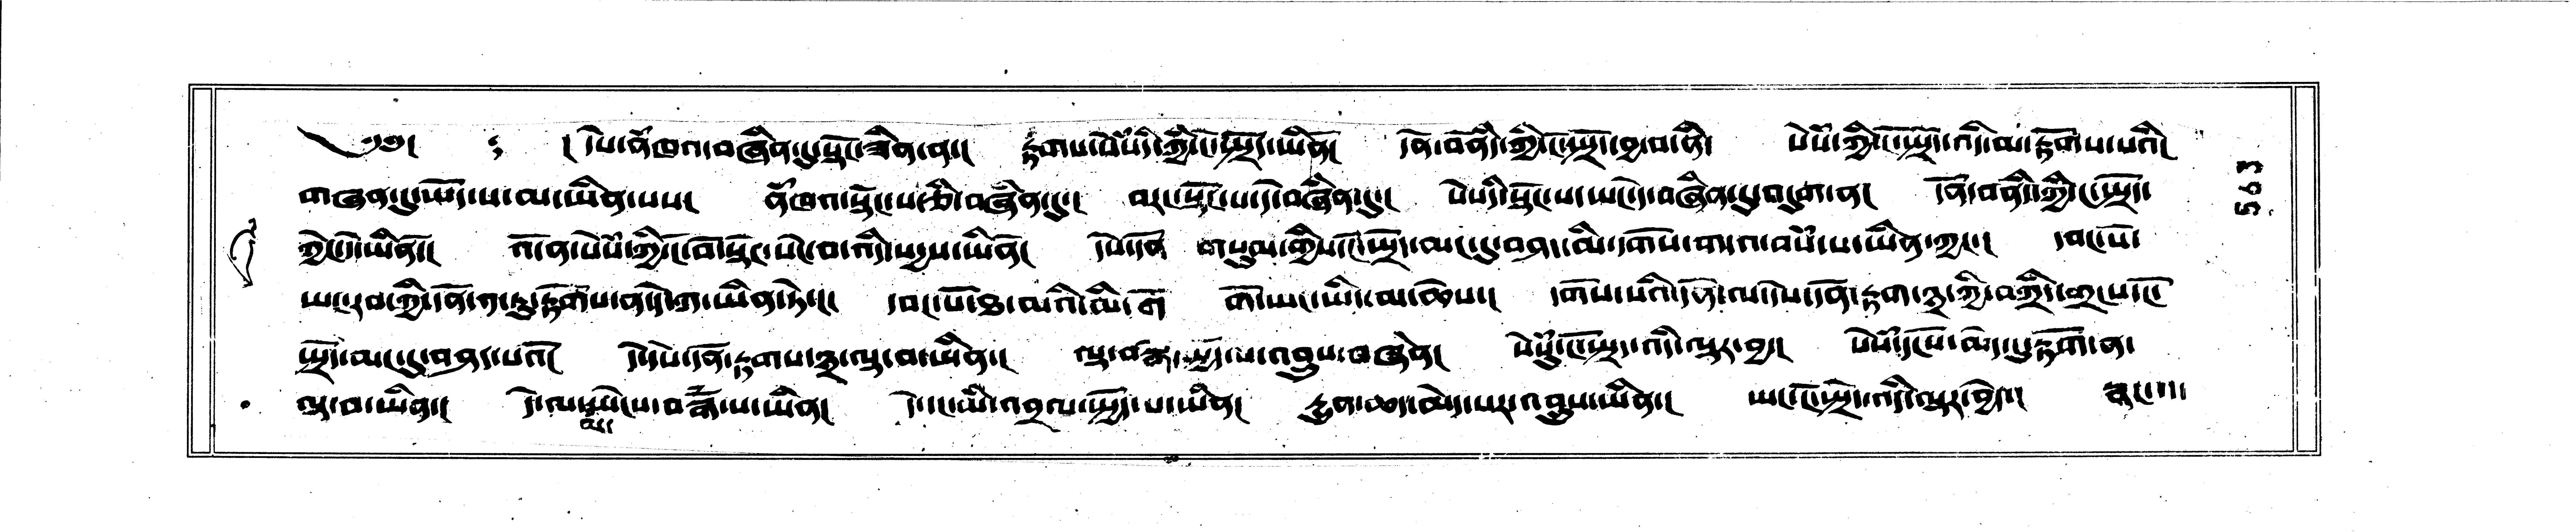དཔེ་ནམ་མཁའ་བཞིན་དུ་སྟོང་ཟིན་ན། རྟགས་སེམས་ཉིད་ཀྱི་ངོ་སྤྲོད་དེ་ཡིན་ནོ། དོན་བོན་ཉིད་ཀྱི་ངོ་སྤྲོད་བྱ་བ་ནི། སེམས་ཀྱི་ངོའོ་འདི་མ་རྟོགས་པས།
 གཞན་དུ་ཡོད་པ་མ་ཡིན་པས། ནམ་མཁའ་སྟོང་པ་ཅི་བཞིན་དུ། བར་སྣང་སྟོང་པ་དེ་བཞིན་དུ། སེམས་ཉིད་སྟོང་པ་ཡང་དེ་བཞིན་དུ་འདུག་ན། དོན་བོན་ཉིད་ཀྱི་ངོ་སྤྲོད་
ཀྱང་དེ་ཡིན་ནོ། འོ་ན་སེམས་ཀྱི་ངོའོ་སྟོང་པ་སང་ངེ་བ་འདི་སངས་རྒྱས་ཡིན་ནོ། དཔེ་དོན་རྟགས་གསུམ་གྱིས་ངོ་སྤྲོད་མང་དུ་བཤད་མི་དགོས་གདའ་བསམ་པ་ཡིན་ཀྱང་དབང་པོ་
ཡང་རབ་ཀྱི་དོན་ཅིག་ཏུ་རྟོགས་ན་དེ་ཀ་ཡིན་ཏེ། དབང་པོ་ཐ་མའི་༼མས༽མི་གོ་གོ་ཡང་ཡིད་མི་ཆེས། དོགས་པའི་དོན་ལ་དཔེ་དོན་རྟགས་གསུམ་གྱི་བཀྲིད་གྲངས་ངོ་
སྤྲོད་མང་དུ་བཤད་པའོ། དེ་དཔེ་དོན་རྟགས་གསུམ་ངོ་སྤྲོད་ཡིན། ལྟ་བསྒོམ་སྤྱོད་པ་འབྲས་བུ་བཞི། སེམས་སུ་ངོ་སྤྲད་འདི་ལྟར་བྱ། སེམས་དངོས་མེད་དུ་རྟོགས་ན་
ལྟ་བ་ཡིན། དེ་ལ་མ་ཡེངས་བསྒོམ་པ་ཡིན། དེ་དང་མི་འབྲལ་སྤྱོད་པ་ཡིན། རྒྱུན་ཆད་མེད་པར་འབྲས་བུ་ཡིན། ཡང་ན་ངོ་སྤྲོད་འདི་ལྟར་བྱེད། སྣང་བ་